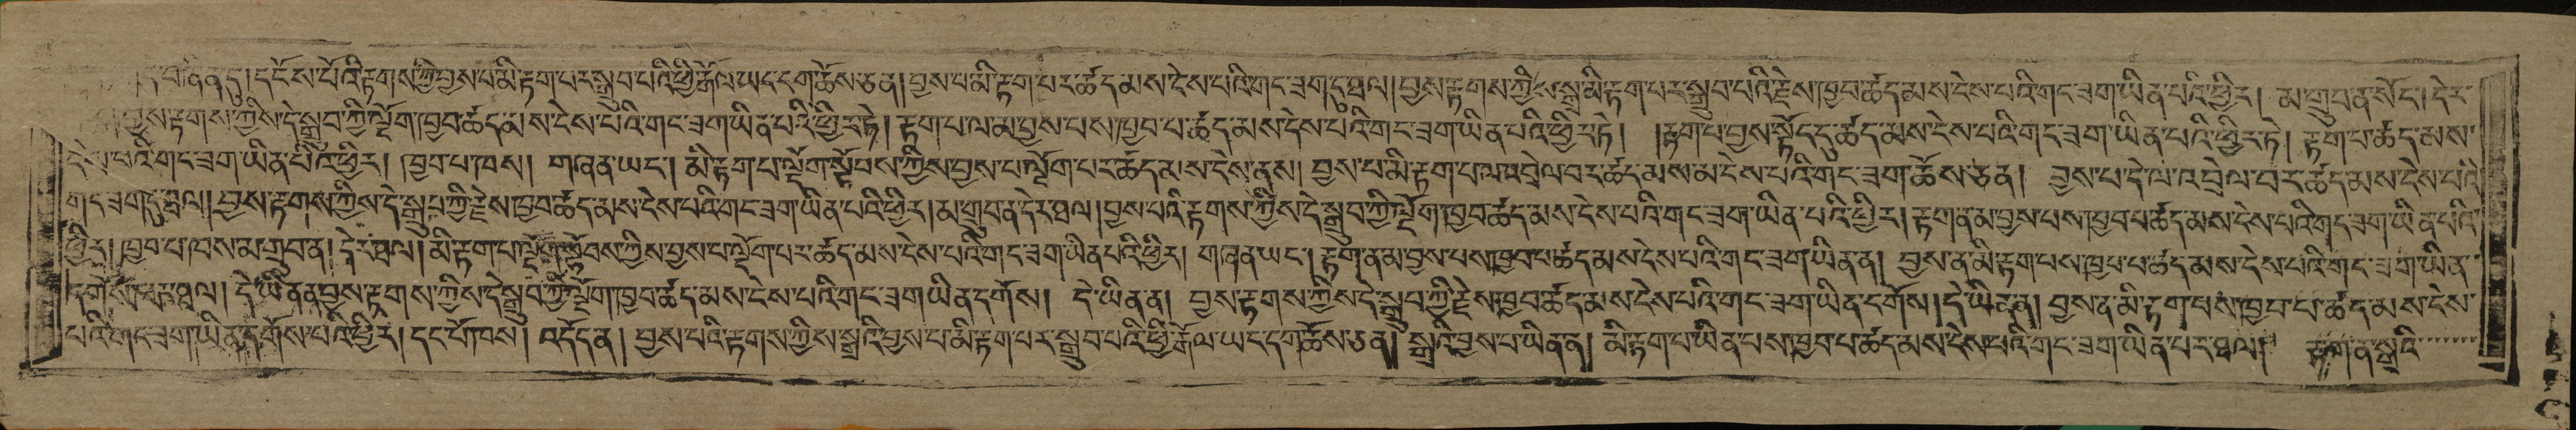གསུམ། དེ་བཞིན་དུ། དངོས་པོའི་རྟགས་ཀྱི་བྱས་པ་མི་རྟག་པར་སྒྲུབ་པའི་ཕྱི་རྒོལ་ཡང་དག་ཆོས་ཅན། བྱས་པ་མི་རྟག་པར་ཚད་མས་ངེས་པའི་གང་ཟག་ཏུ་ཐལ། བྱས་རྟགས་ཀྱིས་སྒྲ་མི་རྟག་པར་སྒྲུབ་པའི་རྗེས་ཁྱབ་ཚད་མས་ངེས་པའི་གང་ཟག་ཡིན་པའི་ཕྱིར། མ་གྲུབ་ན་སོང་། དེར་
ཐལ། བྱས་རྟགས་ཀྱིས་དེ་སྒྲུབ་ཀྱི་ལྡོག་ཁྱབ་ཚད་མས་ངེས་པའི་གང་ཟག་ཡིན་པའི་ཕྱིར་ཏེ། རྟག་པ་ལ་མ་བྱས་པས་ཁྱབ་པ་ཚད་མས་ངེས་པའི་གང་ཟག་ཡིན་པའི་ཕྱིར་ཏེ། །རྟག་པ་བྱས་སྟོང་དུ་ཚད་མས་ངེས་པའི་གང་ཟག་ཡིན་པའི་ཕྱིར་ཏེ། རྟག་པ་ཚད་མས་
ངེས་པའི་གང་ཟག་ཡིན་པའི་ཕྱིར། ཁྱབ་པ་ཁས། གཞན་ཡང་། མི་རྟག་པ་ལྡོག་སྟོབས་ཀྱིས་བྱས་པ་ལྡོག་པར་ཚད་མས་ངེས་ནས། བྱས་པ་མི་རྟག་པ་ལ་འབྲེལ་བར་ཚད་མས་མ་ངེས་པའི་གང་ཟག་ཆོས་ཅན། བྱས་པ་དེ་ལ་འབྲེལ་བར་ཚད་མས་ངེས་པའི་
གང་ཟག་དུ་ཐལ། བྱས་རྟགས་ཀྱིས་དེ་སྒྲུབ་ཀྱི་རྗེས་ཁྱབ་ཚད་མས་ངེས་པའི་གང་ཟག་ཡིན་པའི་ཕྱིར། མ་གྲུབ་ན་དེར་ཐལ། བྱས་པའི་རྟགས་ཀྱིས་དེ་སྒྲུབ་ཀྱི་ལྡོག་ཁྱབ་ཚད་མས་ངེས་པའི་གང་ཟག་ཡིན་པའི་ཕྱིར། རྟག་ན་མ་བྱས་པས་ཁྱབ་པ་ཚད་མས་ངེས་པའི་གང་ཟག་ཡིན་པའི་
ཕྱིར། ཁྱབ་པ་ཁས་མ་གྲུབ་ན། དེར་ཐལ། མི་རྟག་པ་ལྡོག་སྟོབས་ཀྱིས་བྱས་པ་ལྡོག་པར་ཚད་མས་ངེས་པའི་གང་ཟག་ཡིན་པའི་ཕྱིར། གཞན་ཡང་། རྟག་ན་མ་བྱས་པས་ཁྱབ་པ་ཚད་མས་ངེས་པའི་གང་ཟག་ཡིན་ན། བྱས་ན་མི་རྟག་པས་ཁྱབ་པ་ཚད་མས་ངེས་པའི་གང་ཟག་ཡིན་
དགོས་པར་ཐལ། དེ་ཡིན་ན་བྱས་རྟགས་ཀྱིས་དེ་སྒྲུབ་ཀྱི་ལྡོག་ཁྱབ་ཚད་མས་ངེས་པའི་གང་ཟག་ཡིན་དགོས། དེ་ཡིན་ན། བྱས་རྟགས་ཀྱིས་དེ་སྒྲུབ་ཀྱི་རྗེས་ཁྱབ་ཚད་མས་ངེས་པའི་གང་ཟག་ཡིན་དགོས། དེ་ཡིན་ན། བྱས་ན་མི་རྟག་པས་ཁྱབ་པ་ཚད་མས་ངེས་
པའི་གང་ཟག་ཡིན་དགོས་པའི་ཕྱིར། དང་པོ་ཁས། འདོད་ན། བྱས་པའི་རྟགས་ཀྱིས་སྒྲའི་བྱས་པ་མི་རྟག་པར་སྒྲུབ་པའི་ཕྱི་རྒོལ་ཡང་དག་ཆོས་ཅན། སྒྲའི་བྱས་པ་ཡིན་ན། མི་རྟག་པ་ཡིན་པས་ཁྱབ་པ་ཚད་མས་ངེས་པའི་གང་ཟག་ཡིན་པར་ཐལ། རྟག་ན་སྒྲའི་